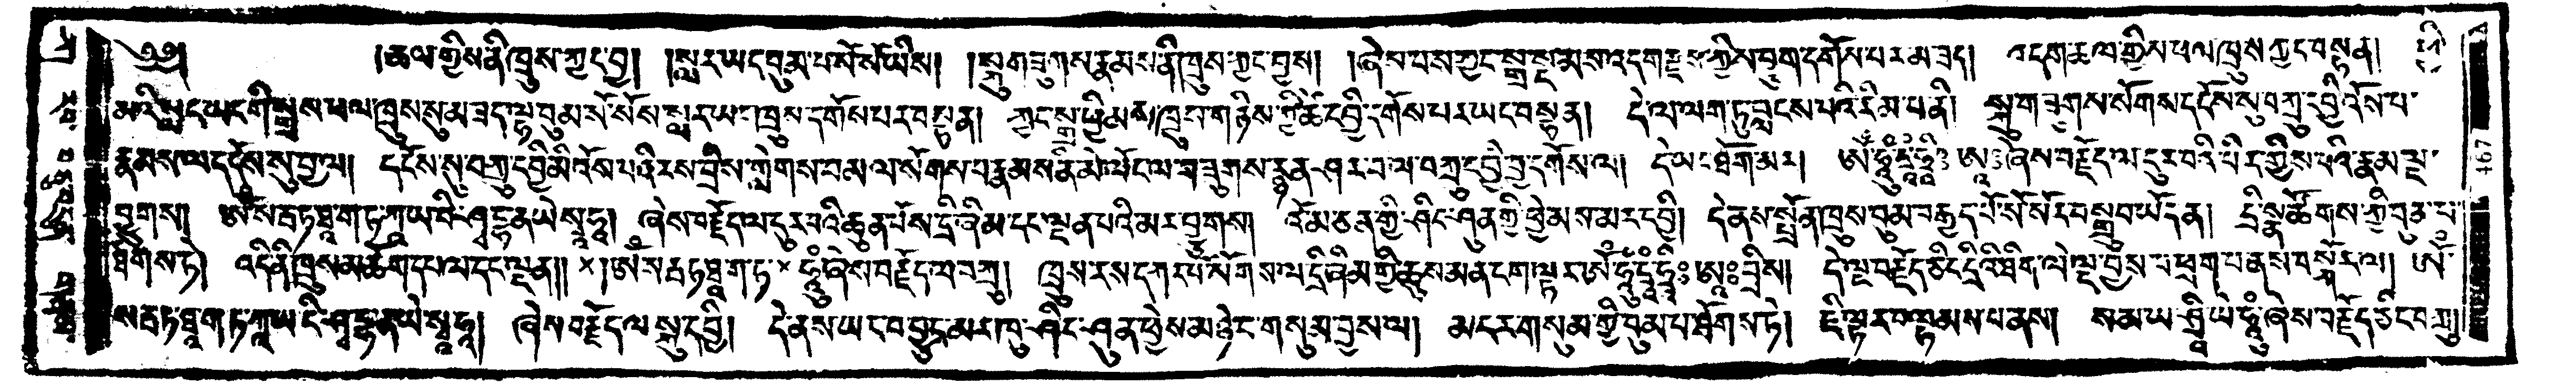༄༅། །ཆལ་གྱིས་ནི་ཁྲུས་ཀྱང་བྱ། །སླར་ཡང་བུམ་པ་སོ་སོ་ཡིས། །སྐུ་གཟུགས་རྣམས་ནི་ཁྲུས་ཀྱང་བྱས། །ཞེས་པས་ཀྱང་སྒྲ་སྔ་མས་འདག་རྫས་ཀྱིས་བྱུག་དགོས་པར་མ་ཟད། འདག་ཆལ་གྱི་ཕལ་ཁྲུས་ཀྱང་བསྟན། ཕྱི་
མའི་སླང་ཡང་གི་སྒྲས་ཕལ་ཁྲུས་སུམ་ཟད་ལྷ་བུམ་སོ་སོས་སླར་ཡང་ཁྲུས་དགོས་པར་བསྟན། ཀྱང་སྒྲ་ཕྱི་མ?་ཁྲུས་གཉིས་ཀྱི་ཚེ་དབྱི་དགོས་པར་ཡང་བསྟན། དེ་ལ་ལག་ཏུ་བླངས་པའི་རིམ་པ་ནི། སྐྲུ་གཟུགས་སོགས་དངོས་སུ་བཀྲུ་དབྱི་འོས་པ་
རྣམས་ལད་དོས་སུ་བྱ་ལ། དངོས་སུ་བཀྲ་དབྱི་མི་འོས་པའི་རས་བྲིས་གླེགས་བམ་ལ་སོགས་པ་རྣམས་ནི་མེ་ལོང་ལ་གཟུགས་བརྙན་ཤར་བ་ལ་བཀྲ་དབྱི་བྱ་དགོས་ལ། དེ་ཡང་ཐོག་མར། ཨོཾ་ཧཱུཾ་དྲཱཾ་ཧྲཱིཿ ཨཱཿ ཞེས་བརྗོད་ལ་དུར་པའི་པིར་གྱིས་བའི་རྣམ་ལྔ་
བྱུགས། ཨོཾ་སརྦ་ཏ་ཐཱ་ག་ཏ་ཀཱ་ཡ་བི་ཤྭ་དྷ་ན་ཡེ་སྭཱཧཱ། ཞེས་བརྗོད་ལ་དུར་བའི་ཆུན་པོས་དྲི་ཞིམ་དང་ལྡན་པའི་མར་བྱུགས། འོ་མ་ཅན་གྱི་ཤིང་ཤུན་གྱི་ཕྱེ་མས་མར་དབྱི། དེ་ནས་སྤྲོན་ཁྲུས་བུམ་བརྒྱད་པོ་སོ་སོར་བསྒྲུབ་ཡོད་ན། དྲི་སྣ་ཚོགས་ཀྱི་བུམ་པ་
ཐེགས་ཏེ། འདི་ནི་ཁྲུས་མཆོག་དཔལ་དང་ལྡན།། ྾་།ཨོཾ་སརྦ་ཏ་ཐཱ་ག་ཏ་྾་ཧཱུཾ་ཞེས་བརྗོད་ལ་བཀྲུ། ཁྲུས་རས་དཀར་པོ་སོགས་ལ་དྲི་ཞིམ་གྱི་ཆུས་མན་ངག་ལྟར་ཨོཾ་ཧཱུཾ་དརའཾ་ཧྲཱིཿ ཨཱཿ བྲིས། དེ་ལྔ་བརྗོད་ཅིང་དྲིའི་ཐིག་ལེ་ལྔ་བྱས་པ་ཕྲག་པ་ནས་བསྐོར་ལ། ཨོཾ་
སརྦ་ཏ་ཐཱ་ག་ཏ་ཀཱ་ཡ་ངི་ཤྭ་དྷ་ན་ཡེ་སྭཱཧཱ། ཞེས་བརྗོད་ལ་སྐུ་དབྱི། དེ་ནས་ཡང་བ་བྱུང་མར་ཁུ་ཤིང་ཤུན་ཕྱེས་མཉེང་གསུམ་བྱས་ལ། མངར་གསུམ་གྱི་བུམ་པ་ཐོགས་ཏེ། ཇི་ལྟར་བལྟམས་པ་ནས། ས་མ་ཡ་ཤྲཱི་ཡེ་ཧཱུཾ་ཞེས་བརྗོད་ཅིང་ཀྲུ།